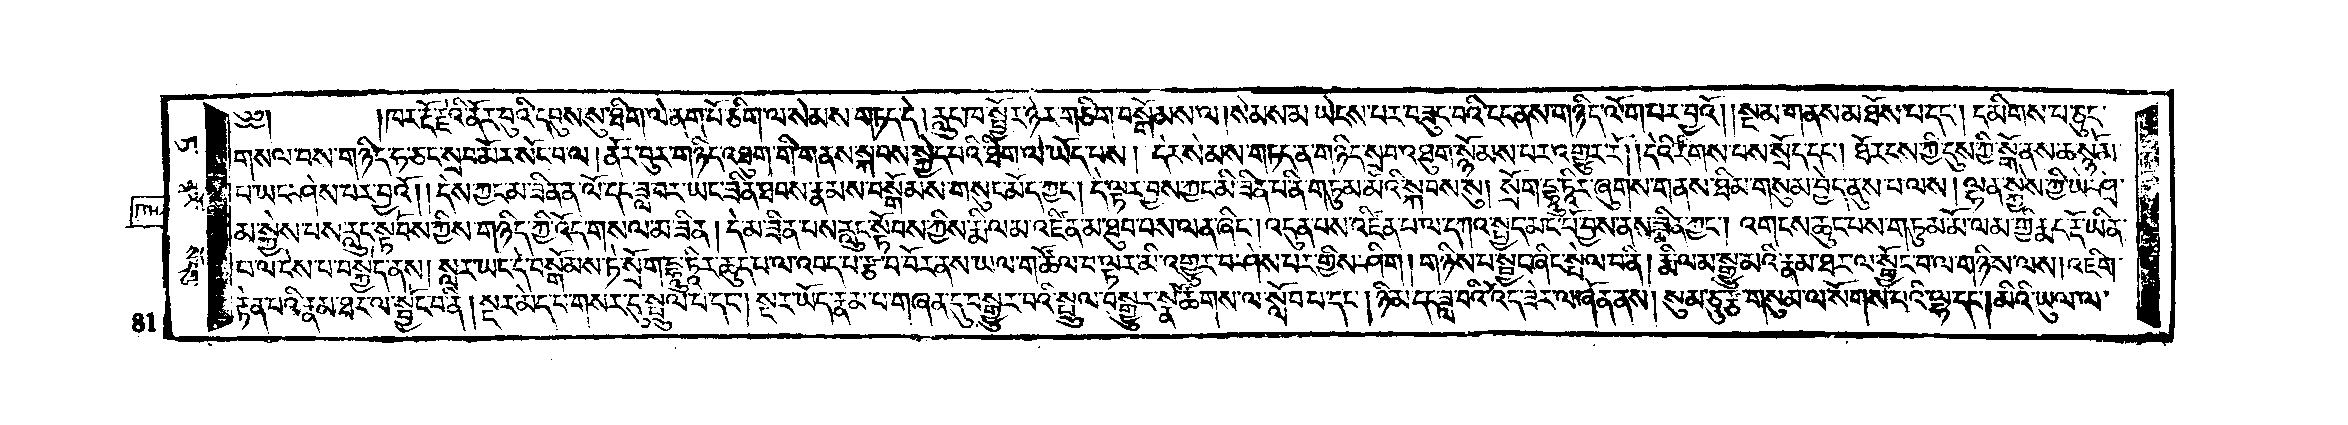༄༅། །ཁར་རྡོ་རྗེའི་ནོར་བུའི་དབུས་སུ་ཐིག་ལེ་ནག་པོ་ཅིག་ལ་སེམས་གཏད་དེ། རླུང་ཁ་སྦྱོར་ཉེར་གཅིག་བསྒོམས་ལ། སེམས་མ་ཡེངས་པར་བཟུང་བའི་ངང་ནས་གཉིད་ལོག་པར་བྱའོ། །སྔ་མ་གནས་མཐོས་པ་དང་། དམིགས་པ་ཅུང་
གསལ་བས་གཉིད་ཧ་ཅང་སྲབ་མོར་སོང་བ་ལ། ནོར་བུར་གཉིད་འཐུག་གི་གནས་སྐབས་སྐྱེད་པའི་ཐིག་ལེ་ཡོད་པས། དེར་སེམས་གཏད་ན་གཉིད་སྲབ་འཐུག་སྙོམས་པར་འགྱུར་རོ། །དེའི་རིགས་པས་སྲོད་དང་། ཐོ་རངས་ཀྱི་དུས་ཀྱི་སྒོ་ནས་ཆ་སྙོམ་
པ་ཡང་ཤེས་པར་བྱའོ། །དེས་ཀྱང་མ་ཟིན་ན་ལོ་དང་ཟླ་བར་ཡང་ཟིན་ཐབས་རྣམས་བསྒོམས་གསུང་མོད་ཀྱང་། དེ་ལྟར་བྱས་ཀྱང་མི་ཟིན་པ་ནི་གཏུམ་མོའི་སྐབས་སུ། སྲོག་དྷཱུ་ཏཱིར་ཞུགས་གནས་ཐིམ་གསུམ་བྱེད་ནུས་པ་ལས། ལྷན་སྐྱེས་ཀྱི་ཡེ་ཤེས་
མ་སྐྱེས་པས་རླུང་སྟོབས་ཀྱིས་གཉིད་ཀྱི་འོད་གསལ་མ་ཟིན། དེ་མ་ཟིན་པས་རླུང་སྟོབས་ཀྱིས་རྨི་ལམ་འཛིན་མ་ཐུབ་པས་ལན་ཞིང་། འདུན་པས་འཛིན་པ་ལ་དཀའ་སྤྱད་མང་པོ་བྱས་ནས་མ་ཟིན་ཀྱང་། འགངས་ཆུང་པས་གཏུམ་མོ་ལམ་གྱི་རྨང་རྡོ་ཡིན་
པ་ལ་ངེས་པ་བསྐྱེད་ནས། སླར་ཡང་དེ་བསྒོམས་ཏེ་སྲོག་དྷཱུ་ཏཱིར་ཆུད་པ་ལ་འབད་པ་རྩ་བ་བོར་ནས་ཡལ་ག་ཚོལ་བ་ལྟར་མི་འགྱུར་བ་ཤེས་པར་གྱིས་ཤིག །གཉིས་པ་སྦྱང་ཞིང་སྤེལ་བ་ནི། རྨི་ལམ་སྒྱུ་མའི་རྣམ་ཐར་ལ་སྦྱོང་བ་ལ་གཉིས་ལས། འཇིག་
རྟེན་པའི་རྣམ་ཐར་ལ་སྦྱོང་བ་ནི། སྔར་མེད་པ་གསར་དུ་སྤྲུལ་པ་དང་། སྔར་ཡོད་རྣམ་པ་གཞན་དུ་བསྒྱུར་བའི་སྤྲུལ་བསྒྱུར་སྣ་ཚོགས་ལ་སློབ་པ་དང་། ཉི་མ་དང་ཟླ་བའི་འོད་ཟེར་ལ་ཞོན་ནས། སུམ་ཅུ་རྩ་གསུམ་ལ་སོགས་པའི་ལྷ་དང་། མིའི་ཡུལ་ལ་